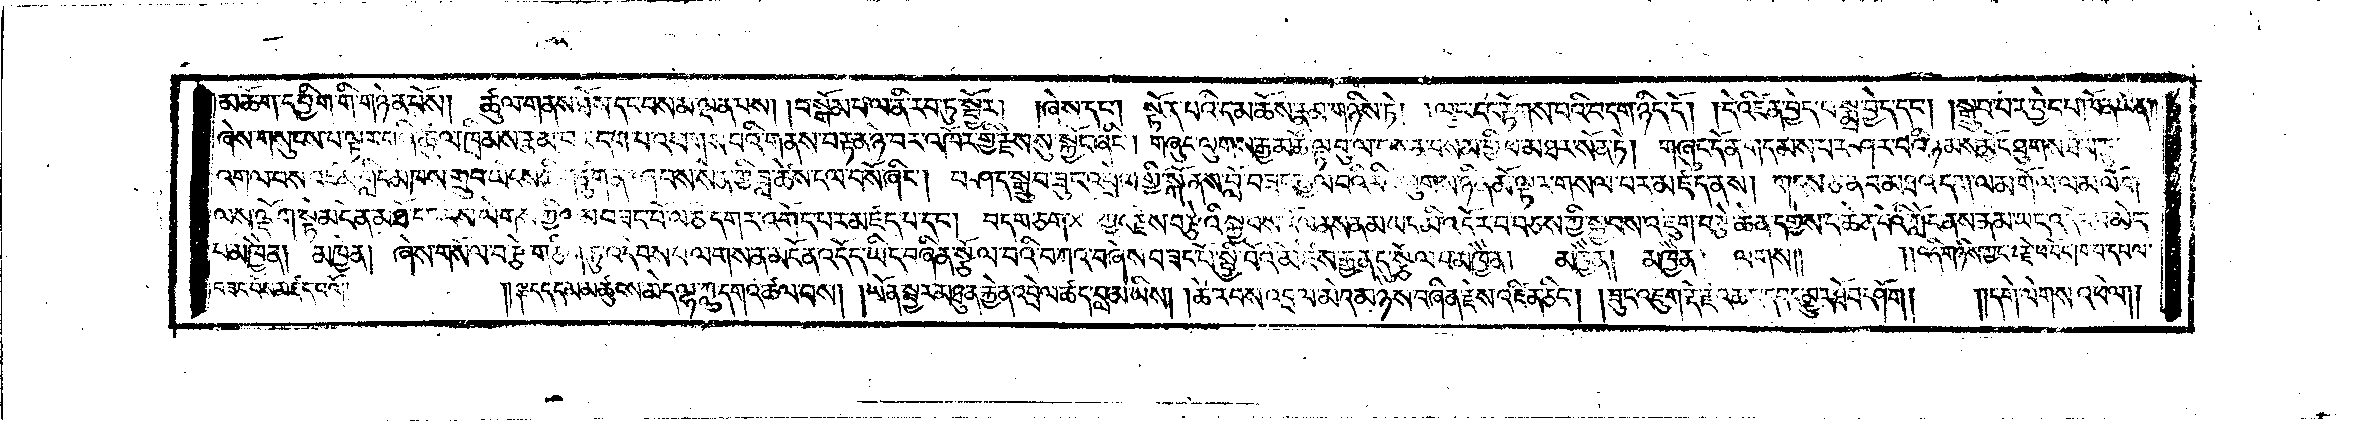མཆོག་དབྱིག་གི་གཉེན་པོས། ཚུལ་གནས་ཐོས་དད་བསམ་ལྡན་པས། །བསྒོམ་པ་ལ་ནི་རབ་ཏུ་སྦྱོར། །ཞེས་དང་། སྟོན་པའི་དམ་ཆོས་རྣམ་གཉིས་ཏེ། །ལུང་དང་རྟོགས་པའི་བདག་ཉིད་དོ། །དེ་འཛིན་བྱེད་པ་སྨྲ་བྱེད་དང་། །སྒྲུབ་པར་བྱེད་པ་ཁོ་ན་ཡིན།།
ཞེས་གསུངས་པ་ལྟར་གཞི་ཚུལ་ཁྲིམས་རྣམ་བར་དག་པ་འཕགས་པའི་གནས་བརྟན་ཉེ་བར་འཁོར་གྱི་རྗེས་སུ་སྐྱོང་ཞིང་། གཞུང་ལུགས་རྒྱ་མཚོ་ལྟ་བུ་ལ་གསན་བསམ་གྱི་ཕ་མཐར་སོན་ཏེ། གཞུང་དོན་གདམས་པར་ཤར་བའི་ཉམས་མྱོང་ཐུགས་ཐོག་ཏུ་
འགེལ་བས་འཛམ་གླིང་མཁས་གྲུབ་ཡོངས་ཀྱི་གཙུག་ནས་ཞབས་སེན་གྱི་ཟླ་ཚེས་ངལ་བསོ་ཞིང་། བཤད་སྒྲུབ་ཟུང་འབྲེལ་གྱི་སྒོ་ནས་བློ་བཟང་རྒྱལ་བའི་རིང་ལུགས་ཉིན་མོ་ལྟར་གསལ་བར་མཛད་ནས། གངས་ཅན་བ་མཐའ་དག་ལམ་གོལ་ལམ་ལོག་
ལས་ལྡོག་སྟེ་མངོན་མཐོ་དང་ངེས་ལེགས་ཀྱི་ལས་བཟང་པོ་ལ་ཅི་དགར་འགོད་པར་མཛད་པ་དང་། བདག་ཅག་྾་ཀྱང་རྗེས་བརྩེའི་སྐྱབས་རོལ་ནས་ནམ་ཡང་མི་འདོར་བ་བཅས་ཀྱི་སྐྱབས་འཇུག་བརྩེ་ཆེན་དགྱེས་པ་ཆེན་པོའི་ཀློང་ནས་ནམ་ཡང་འདོར་བ་མེད་
པ་མཁྱེན། མཁྱེན། ཞེས་གསོལ་བ་རྩེ་གཅིག་ཏུ་འདེབས་པ་ལགས་ན་མངོན་འདོད་ཡིད་བཞིན་སྩོལ་བའི་བཀའ་བཞེས་བཟང་པོ་སྤྱི་བོའི་མཛེས་རྒྱན་དུ་སྩོལ་བ་མཁྱཻན། མཁྱཻན། མཁྱཻན། ལགས།། །།འདི་གཉིས་ཀྱང ༧རྗེ་ཕ་བོང་ཁ་བ་དཔལ་
བཟང་པོས་མཛད་པའོ།། །། ༈ ངད་དམ་མཚུངས་མེད་ལྷ་ཀླུ་དགའ་ཚལ་བས། །ཡོན་སྦྱར་མཐུན་རྐྱེན་འབྲེལ་ཚད་བླ་མ་ཡིས། །ཚེ་རབས་འབྲལ་མེའམ་མཉེས་བཞིན་རྗེས་འཛིན་ཅིང་། །ཟུང་འཇུག་རྡོ་རྗེ་འཆང་དབང་མྱུར་ཐོབ་ཤོག ། །།དགེ་ལེགས་འཕེལ།།